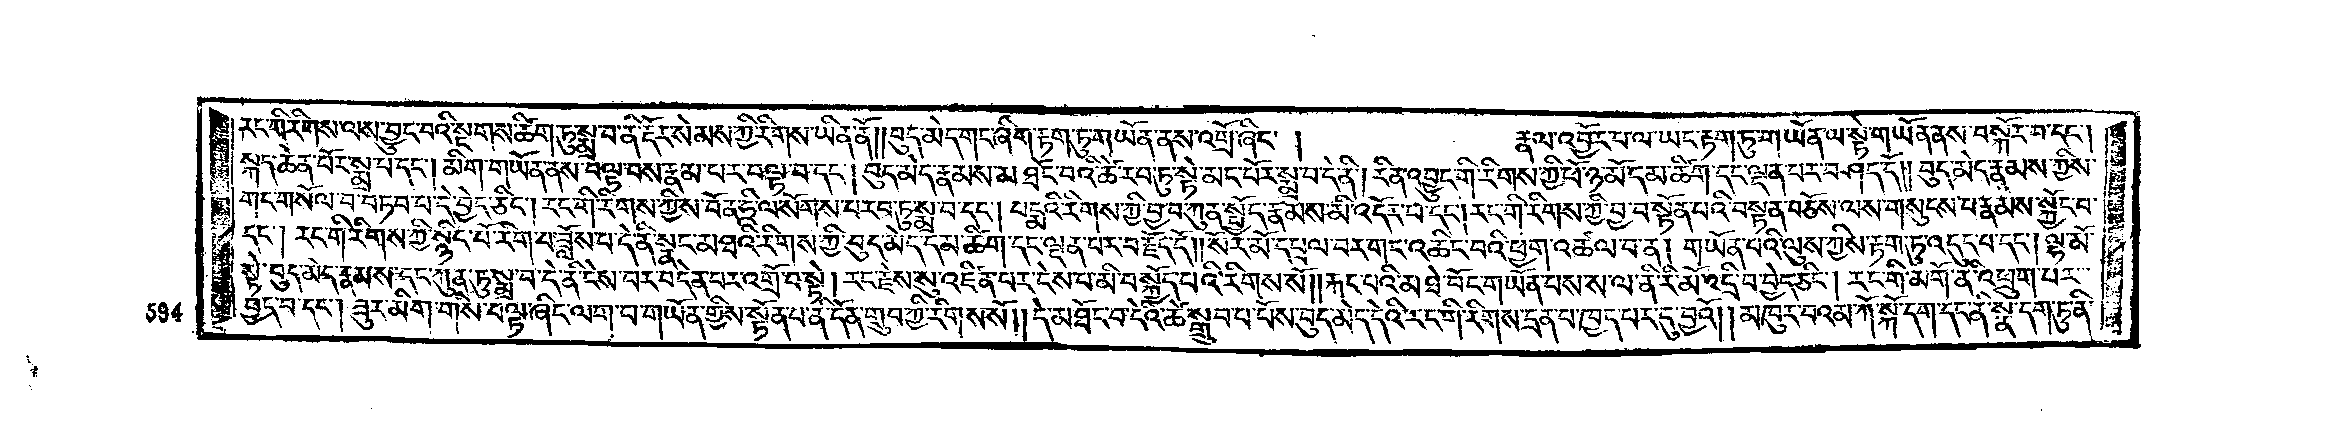རང་གི་རིགས་ལས་བྱུང་བའི་སྔགས་ཚིག་ཏུ་སྨྲ་བ་ནི་རྡོར་སེམས་ཀྱི་རིགས་ཡིན་ནོ། །བུད་མེད་གང་ཞིག་རྟག་ཏུ་གཡོན་ནས་འགྲོ་ཞིང་། རྣལ་འབྱོར་པ་ལ་ཡང་རྟག་ཏུ་གཡོན་ལ་སྟེ་གཡོན་ནས་བསྐོར་བ་དང་།
སྐད་ཆེན་པོར་སྨྲ་པ་དང་། མིག་གཡོན་ནས་བལྟ་བས་རྣམ་པར་བལྟ་བ་དང་། བུད་མེད་རྣམས་མཐོང་བའི་ཚེ་རབ་ཏུ་སྟེ་མང་པོར་སྨྲ་བ་དེ་ནི། རིན་འབྱུང་གི་རིགས་ཀྱི་ཕོ་ཉ་མོ་དམ་ཚིག་དང་ལྡན་པར་བཤད་དོ། །བུད་མེད་རྣམས་ཀྱིས་
གང་གསོལ་བ་བཏབ་པ་དེ་བྱེད་ཅིང་། རང་གི་རིགས་ཀྱི་ས་བོན་ཧྲི་ལ་སོགས་པ་རབ་ཏུ་སྨྲ་བ་དང་། པདམའི་རིགས་ཀྱི་བྱ་བ་ཀུན་སྤྱོད་རྣམས་མི་འདོར་པ་དང་། རང་གི་རིགས་ཀྱི་བྱ་བ་སྟོན་པའི་བསྟན་བཅོས་ལས་གསུངས་པ་རྣམས་སྐྱོང་བ་
དང་། རང་གི་རིགས་ཀྱི་སྙིང་པོ་རིག་པ་ཟློས་པ་དེ་ནི་སྣང་མཐའི་རིགས་ཀྱི་བུད་མེད་དམ་ཚིག་དང་ལྡན་པར་བརྗོད་དོ། །སོར་མོ་དཔྲལ་བར་གང་འཆིང་བའི་ཕྱག་འཚལ་བ་ན། གཡོན་པའི་ལུས་ཀྱིས་རྟག་ཏུ་འདུད་པ་དང་། ལྷ་མོ་
སྟེ་བུད་མེད་རྣམས་དང་ཀུན་ཏུ་སྨྲ་བ་དེ་ནི་ངེས་པར་བདེན་པར་འགྲོ་བ་སྟེ། རང་རྗེས་སུ་འཛིན་པར་ངེས་པ་མི་བསྐྱོད་པའི་རིགས་སོ། །རྐང་པའི་མཐེ་བོང་གཡོན་པས་ས་ལ་ནི་རི་མོ་འདྲི་བ་བྱེད་ཅིང་། རང་གི་མགོ་ནི་འཕྲུག་པར་
བྱེད་པ་དང་། ཟུར་མིག་གིས་བལྟ་ཞིང་ལག་པ་གཡོན་གྱིས་སྟོན་པ་ནི་དོན་གྲུབ་ཀྱི་རིགས་སོ། །དེ་མཐོང་བ་དེའི་ཚེ་སྒྲུབ་པ་པོས་བུད་མེད་དེའི་རང་གི་རིགས་དྲན་པ་ཁྱད་པར་དུ་བྱའོ། །མཁུར་བའམ་ཀོ་སྐོ་དག་དང་ནི་སྣ་དག་ཏུ་ནི་